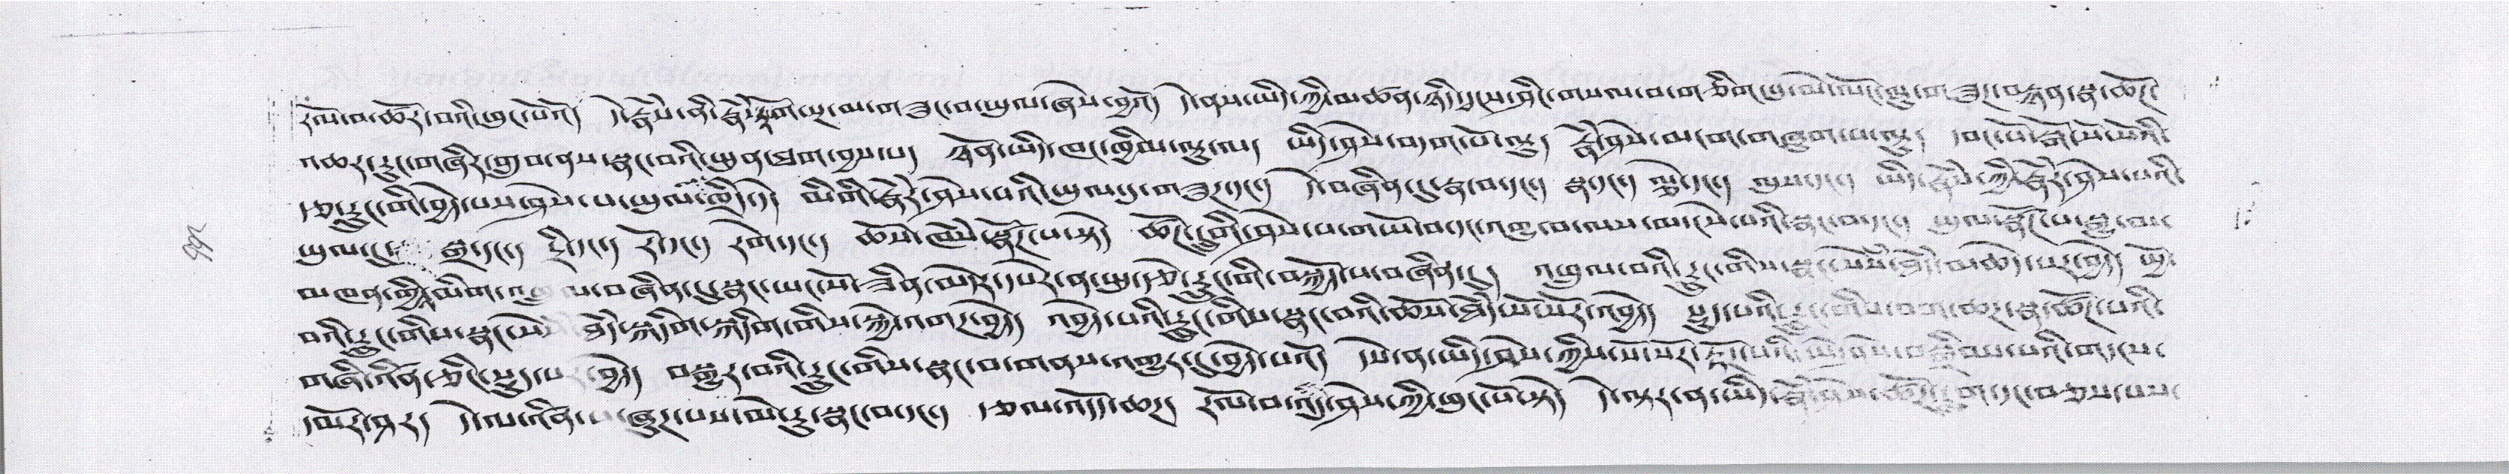རོལ་བ་ཚོར་བའི་ཕུང་པོའོ། དེ་རྣམས་ནི་རྣམ་རྟོག་སྔ་མ་གཟུང་བ་ཡུལ་ཞེས་བྱའོ། དེ་ནས་ཡིད་ཀྱི་མཚན་ཉིད་དྭངས་ཤིང་གསལ་བ་གཅིག་པུ་མེ་ལོང་ལྟ་བུ་གཟུགས་བརྙན་སྣ་ཚོགས་
འཆར་རུང་གཞིར་གྲུབ་ནས་སྣང་བའི་སྤུན་ཐག་བྱས་པ། ཉོན་ཡིད་ཁང་ཁྱིམ་ལྟ་བུ་ལ། ཡིད་ཤེས་བདག་པོ་ལྟ་བུ། རྣམ་ཤེས་མན་ངག་གཞུག་པ་ལྟ་བུ། དབང་པོ་སྒོ་སོ་སོའི་
རྩ་རླུང་གི་བྱེད་པས་ཤེས་པ་ཡུལ་ལ་ཁྲིད་དེ། མིག་གི་རྣམ་པར་ཤེས་པའི་ཡུལ་དུ་གཟུགས་དང། དེ་བཞིན་དུ་རྣ་བ་དང། སྣ་དང། ལྕེ་དང། ལུས་དང། ཡིད་རྣམས་ཀྱི་རྣམ་པར་ཤེས་པའི་
ཡུལ་དུ་སྒྲ་དང། དྲི་དང། རོ་དང། རེག་དང། ཆོས་ཁམས་སྣ་ཚོགས་པ་སྟེ། ཚོགས་དྲུག་གི་ཤེས་པ་གཡོ་བ་དང་འགྱུ་བ་ལས་མ་ངེས་པའི་སྣང་བ་དང། ཡུལ་སྣ་ཚོགས་པ་སྒྱུ་མ་
མཁན་གྱིས་མིག་འཁྲུལ་བཞིན་དུ་སྣང་ཡང་སོ་ཟིན་མེད་པར་དཔེར་ན་སྤུ་རྩེ་རླུང་གི་བསྐྱོད་པ་བཞིན་དུ། འཕྲུལ་བའི་རླུང་གིས་སྣང་སེམས་ཐམས་ཅད་མཆེད་པར་བྱེད། གཡོ་
བའི་རླུང་གིས་སྣང་སེམས་ཐམས་ཅད་སྐད་ཅིག་སྐད་ཅིག་གིས་སྐྱེ་འགགས་བྱེད། འབྱེད་པའི་རླུང་གིས་སྣང་བའི་ཆོས་ཐམས་ཅད་སོ་སོར་འབྱེད། སྡུད་པའི་རླུང་གིས་བག་ཆགས་སྣ་ཚོགས་པའི་
གཞི་འཛིན་ཅིང་སྡུད་པར་བྱེད། བསྒྱུར་བའི་རླུང་གིས་སྣང་བ་གནས་འགྱུར་དུ་བྱེད་པའོ། དེས་ན་ཡིད་ཤེས་ཀྱིས་སོ་སོར་རྟོགས་པའི་ཡེ་ཤེས་བསྒྲིབས་པའི་གདངས་
དམར་པོ་ཤར། དེ་ལ་འཛིན་པ་ཞུགས་པས་མེ་རུ་སྣང་བ་དང། རྩལ་འདོད་ཆགས། རོལ་བ་འདུ་ཤེས་ཀྱི་ཕུང་པོ་སྟེ། དེ་ལྟར་ན་ཡིད་རྣམ་ཤེས་ཚོགས་དྲུག་དང་བཅས་པས་